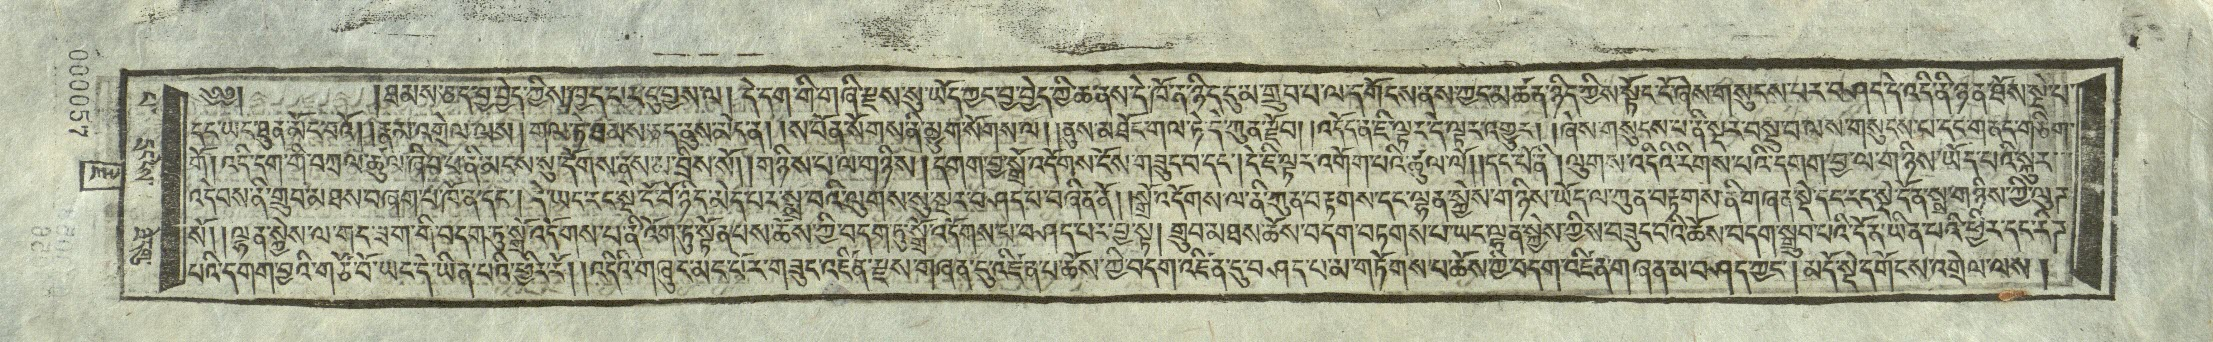༄༅། །ཐམས་ཅད་བྱ་བྱེད་ཀྱིས་ཁྱད་པར་དུ་བྱས་ལ། དེ་དག་གི་གཞི་རྫས་སུ་ཡོད་ཀྱང་བྱ་བྱེད་ཀྱི་ཆ་ནས་དེ་ཁོ་ན་ཉིད་དུ་མ་གྲུབ་པ་ལ་དགོངས་ནས་ཀྱང་མཚན་ཉིད་ཀྱིས་སྟོང་ངོ་ཞེས་གསུངས་པར་བཤད་དེ་འདི་ནི་ཉན་ཐོས་སྔ་པ་
དང་ཡང་ཐུན་མོང་བའོ། །རྣམ་འགྲེལ་ལས། གལ་ཏེ་ཐམས་ཅད་ནུས་མེད་ན། །ས་བོན་སོགས་ནི་མྱུག་སོགས་ལ། །ནུས་མཐོང་གལ་ཏེ་དེ་ཀུན་རྫོབ། །འདོད་ན་ཇི་ལྟར་དེ་ལྟར་འགྱུར། །ཞེས་གསུངས་པ་ནི་སྔར་བསྡུ་བ་ལས་གསུངས་པ་དང་གནད་གཅིག་
གོ ། འདི་དག་གི་བཀྲལ་ཚུལ་ཞིབ་པ་ནི་མངས་སུ་དོགས་ནས་མ་བྲིས་སོ། །གཉིས་བ་ལ་གཉིས། དགག་བྱ་སྒྲོ་འདོགས་ངོས་གཟུང་བ་དང་། དེ་ཇི་ལྟར་འགོག་པའི་ཚུལ་ལོ། །དང་པོ་ནི། ལུགས་འདིའི་རིགས་པའི་དགག་བྱ་ལ་གཉིས་ཡོད་པའི་སྐུར་
འདེབས་ནི་གྲུབ་མཐས་བཞག་པ་ཁོ་ན་དང་། དེ་ཡང་རང་སྡེ་ངོ་བོ་ཉིད་མེད་པར་སྨྲ་བའི་ལུགས་སུ་སྔར་བཤད་པ་བཞིན་ནོ། །སྒྲོ་འདོགས་ལ་ནི་ཀུན་བརྟགས་དང་ལྷན་སྐྱེས་གཉིས་ཡོད་ལ་ཀུན་བརྟགས་ནི་གཞན་སྡེ་དང་རང་སྡེ་དོན་སྨྲ་གཉིས་གྱི་ལུགས་
སོ། །ལྷན་སྐྱེས་ལ་གང་ཟག་གི་བདག་ཏུ་སྒྲོ་འདོགས་པ་ནི་འོག་ཏུ་སྟོན་པས་ཆོས་ཀྱི་བདག་ཏུ་སྒྲོ་འདོགས་པ་བཤད་པར་བྱ་སྟེ། གྲུབ་མཐས་ཆོས་བདག་བཏགས་པ་ཡང་ལྷན་སྐྱེས་ཀྱིས་བཟུང་བའི་ཆོས་བདག་སྒྲུབ་པའི་དོན་ཡིན་པའི་ཕྱིར་དང་རིགས་
པའི་དགག་བྱའི་གཙོ་བོ་ཡང་དེ་ཡིན་པའི་ཕྱིར་རོ། །འདིའི་གཞུང་མང་པོར་གཟུང་འཛིན་རྫས་གཞན་དུ་འཛིན་པ་ཆོས་ཀྱི་བདག་འཛིན་དུ་བཤད་པ་མ་གཏོགས་པ་ཆོས་ཀྱི་བདག་འཛིན་གཞན་མ་བཤད་ཀྱང་། མདོ་སྡེ་དགོངས་འགྲེལ་ལས།